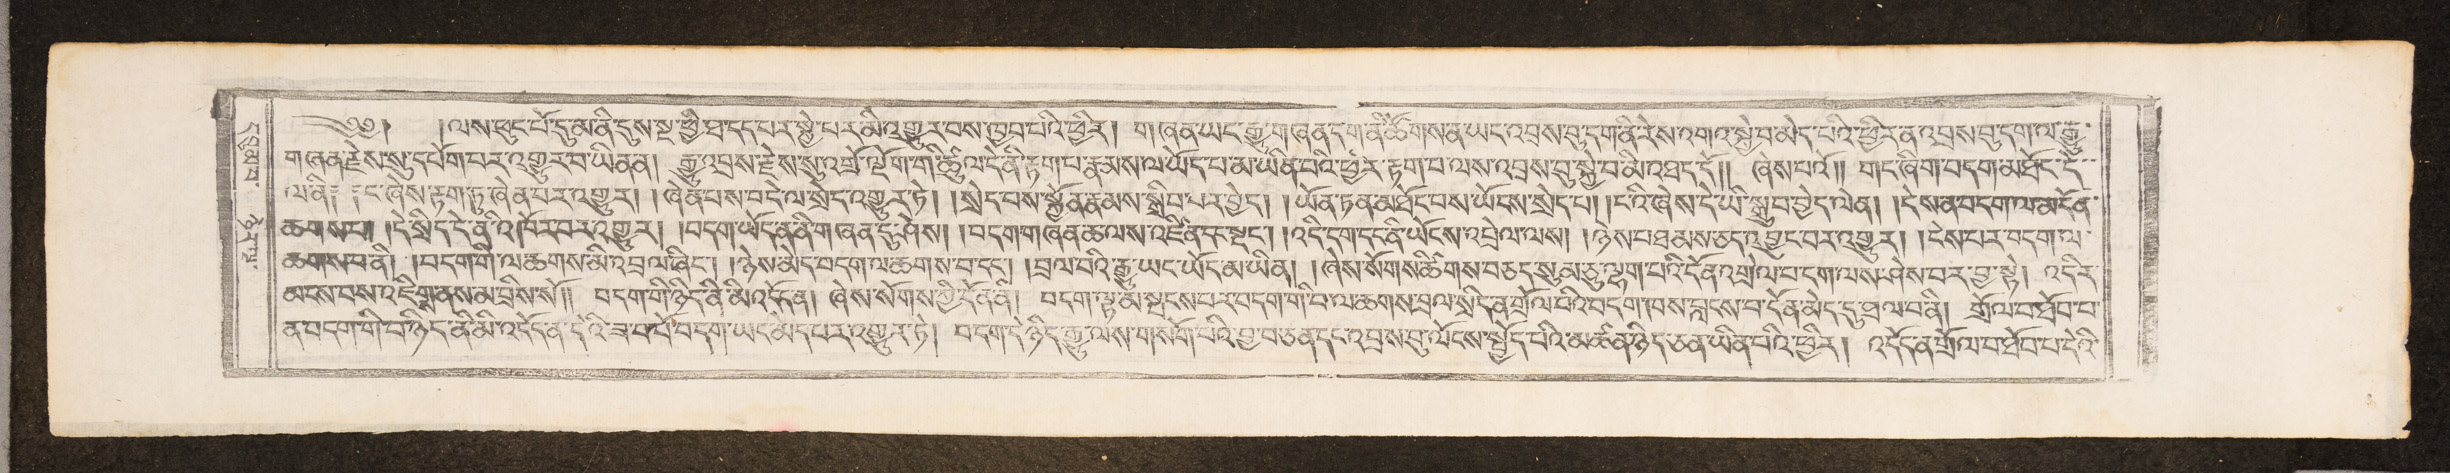༄༅། །ལས་ཕུང་པོ་དུ་མ་ནི་དུས་སྔ་ཕྱི་ཐ་དད་པར་སྐྱེ་པར་མི་འགྱུར་བས་ཁྱབ་པའི་ཕྱིར། གཞན་ཡང་རྒྱུ་གཞན་དག་ནི་ཚོགས་ན་ཡང་འབྲས་བུ་དག་ནི་རེས་འགའ་སྐྱེ་བ་མེད་པའི་ཕྱིར་ན་འབྲས་བུ་དག་ལ་རྒྱུ་
གཞན་རྗེས་སུ་དཔོག་པར་འགྱུར་བ་ཡིན་ན། རྒྱུ་འབྲས་རྗེས་སུ་འགྲོ་ལྡོག་གི་ཚུལ་དེ་ནི་རྟག་པར་རྣམས་ལ་ཡོད་པ་མ་ཡིན་པའི་ཕྱིར་རྟག་པ་ལས་འབྲས་བུ་སྐྱེ་བ་མི་འཐད་དོ།། ཞེས་པའོ།། གང་ཞིག་བདག་མཐོང་དེ་
ལ་ནི༑ ༑ང་ཞེས་རྟག་ཏུ་ཞེན་པར་འགྱུར། །ཞེན་པས་བདེ་ལ་སྲེད་འགྱུར་ཏེ། །སྲེད་པས་སྐྱོན་རྣམས་སྒྲིབ་པར་བྱེད། །ཡོན་ཏན་མཐོང་བས་ཡོངས་སྲེད་པ། །ངའི་ཞེས་དེ་ཡི་སྒྲུབ་བྱེད་ལེན། །དེས་ན་བདག་ལ་མངོན་
ཆགས་པ། །དེ་སྲིད་དེ་ནི་འཁོར་བར་འགྱུར། །བདག་ཡོད་ན་ནི་གཞན་དུ་ཤེས། །བདག་གཞན་ཆ་ལས་འཛིན་དང་སྡང་། །འདི་དག་དང་ནི་ཡོངས་འབྲེལ་ལས། །ཉེས་པ་ཐམས་ཅད་འབྱུང་བར་འགྱུར། །ངེས་པར་བདག་ལ་
ཆགས་པ་ནི། །བདག་གི་ལ་ཆགས་མི་འབྲལ་ཞིང་། །ཉེས་མེད་བདག་ལ་ཆགས་བ་དང་། །བྲལ་བའི་རྒྱུ་ཡང་ཡོད་མ་ཡིན། །ཞེས་སོགས་ཚིགས་བཅད་སུམ་ཅུ་ལྷག་པའི་དོན་འགྲེལ་པ་དག་ལས་ཤེས་བར་བྱ་སྟེ། འདིར་
མངས་བས་འཇིགས་ནས་མ་བྲིས་སོ།། བདག་གི་ཉིད་ནི་མི་འདོད་ན། ཞེས་སོགས་ཀྱི་དོན་ནི། བདག་ལྟ་མ་སྤངས་པར་བདག་གི་བ་ལ་ཆགས་བྲལ་སྲིད་ན་གྲོལ་པའི་བདག་ཁས་བླངས་པ་དོན་མེད་དུ་ཐལ་བ་ནི། གྲོལ་བ་ཐོབ་པ་
ན་བདག་གི་བ་ཉིད་ནི་མི་འདོད་ན་དེའི་ཟ་བ་བོ་བདག་ཡང་མེད་པར་འགྱུར་ཏེ། བདག་དེ་ཉིད་རྒྱུ་ལས་གསོག་པའི་བྱ་བ་ཅན་དང་འབྲས་བུ་ལོངས་སྤྱོད་པའི་མཚན་ཉིད་ཅན་ཡིན་པའི་ཕྱིར། འདོད་ན་གྲོལ་བ་ཐོབ་པ་དེའི་